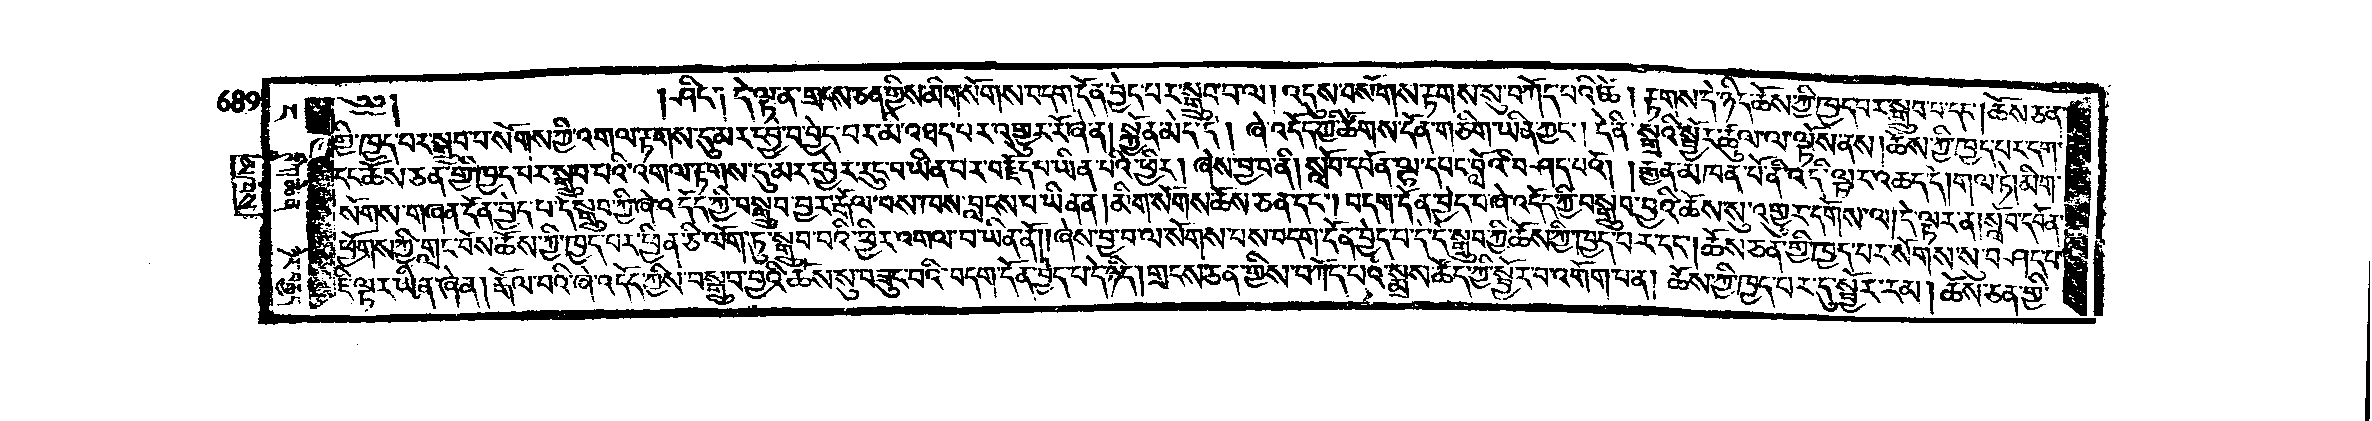༄༅། །ཤིང་། དེ་ལྟ་ན་གྲངས་ཅན་གྱིས་མིག་སོགས་བདག་དོན་བྱེད་པར་སྒྲུབ་པ་ལ། འདུས་པ་སོགས་རྟགས་སུ་བཀོད་པའི་ཚེ། རྟགས་དེ་ཉིད་ཆོས་ཀྱི་ཁྱད་པར་སྒྲུབ་པ་དང་། ཆོས་ཅན་
གྱི་ཁྱད་པར་སྒྲུབ་པ་སོགས་ཀྱི་འགལ་རྟགས་དུ་མར་དབྱེ་བ་བྱེད་པར་མི་འཐད་པར་འགྱུར་རོ་ཞེ་ན། སྐྱོན་མེད་དེ། ཞེ་འདོད་ཀྱི་ཚོགས་དོན་གཅིག་ཡིན་ཀྱང་། དེ་ནི་སྒྲའི་སྦྱོར་ཚུལ་ལ་ལྟོས་ནས། ཆོས་ཀྱི་ཁྱད་པར་དག་
དང་ཆོས་ཅན་གྱི་ཁྱད་པར་སྒྲུབ་པའི་འགལ་རྟགས་དུ་མར་དབྱེར་རུང་བ་ཡིན་པར་བརྗོད་པ་ཡིན་པའི་ཕྱིར། ཞེས་བྱ་བ་ནི། སློབ་དཔོན་ལྷ་དབང་བློའི་བཤད་པའོ། །རྒྱན་མཁན་པོ་ནི་འདི་ལྟར་འཆད་དེ། །གལ་ཏེ། མིག་
སོགས་གཞན་དོན་བྱེད་པ་དེ་སྒྲུབ་ཀྱི་ཞེ་འདོད་ཀྱི་བསྒྲུབ་བྱར་རྒོལ་བས་ཁས་བླངས་པ་ཡིན་ན། མིག་སོགས་ཆོས་ཅན་དང་། བདག་དོན་བྱེད་པ་ཞེ་འདོད་ཀྱི་བསྒྲུབ་བྱའི་ཆོས་སུ་འགྱུར་དགོས་ལ། དེ་ལྟར་ན། སློབ་དཔོན་
ཕྱོགས་ཀྱི་གླང་པོས་ཆོས་ཀྱི་ཁྱད་པར་ཕྱིན་ཅི་ལོག་ཏུ་སྒྲུབ་པའི་ཕྱིར་འགལ་བ་ཡིན་ནོ། །ཞེས་བྱ་བ་ལ་སོགས་པས་བདག་དོན་བྱེད་པ་དེ་དེ་སྒྲུབ་ཀྱི་ཆོས་ཀྱི་ཁྱད་པར་དང་། ཆོས་ཅན་ཀྱི་ཁྱད་པར་སོགས་སུ་བཤད་པ་
ཇི་ལྟར་ཡིན་ཞེ་ན། རྒོལ་བའི་ཞེ་འདོད་ཀྱིས་བསྒྲུབ་བྱའི་ཆོས་སུ་བཟུང་བའི་བདག་དོན་བྱེད་པ་དེ་ཉིད། གྲངས་ཅན་གྱིས་བཀོད་པའི་སྨྲས་ཚོད་ཀྱི་སྦྱོར་བ་འགོག་པ་ན། ཆོས་ཀྱི་ཁྱད་པར་དུ་སྦྱོར་རམ། ཆོས་ཅན་གྱི་